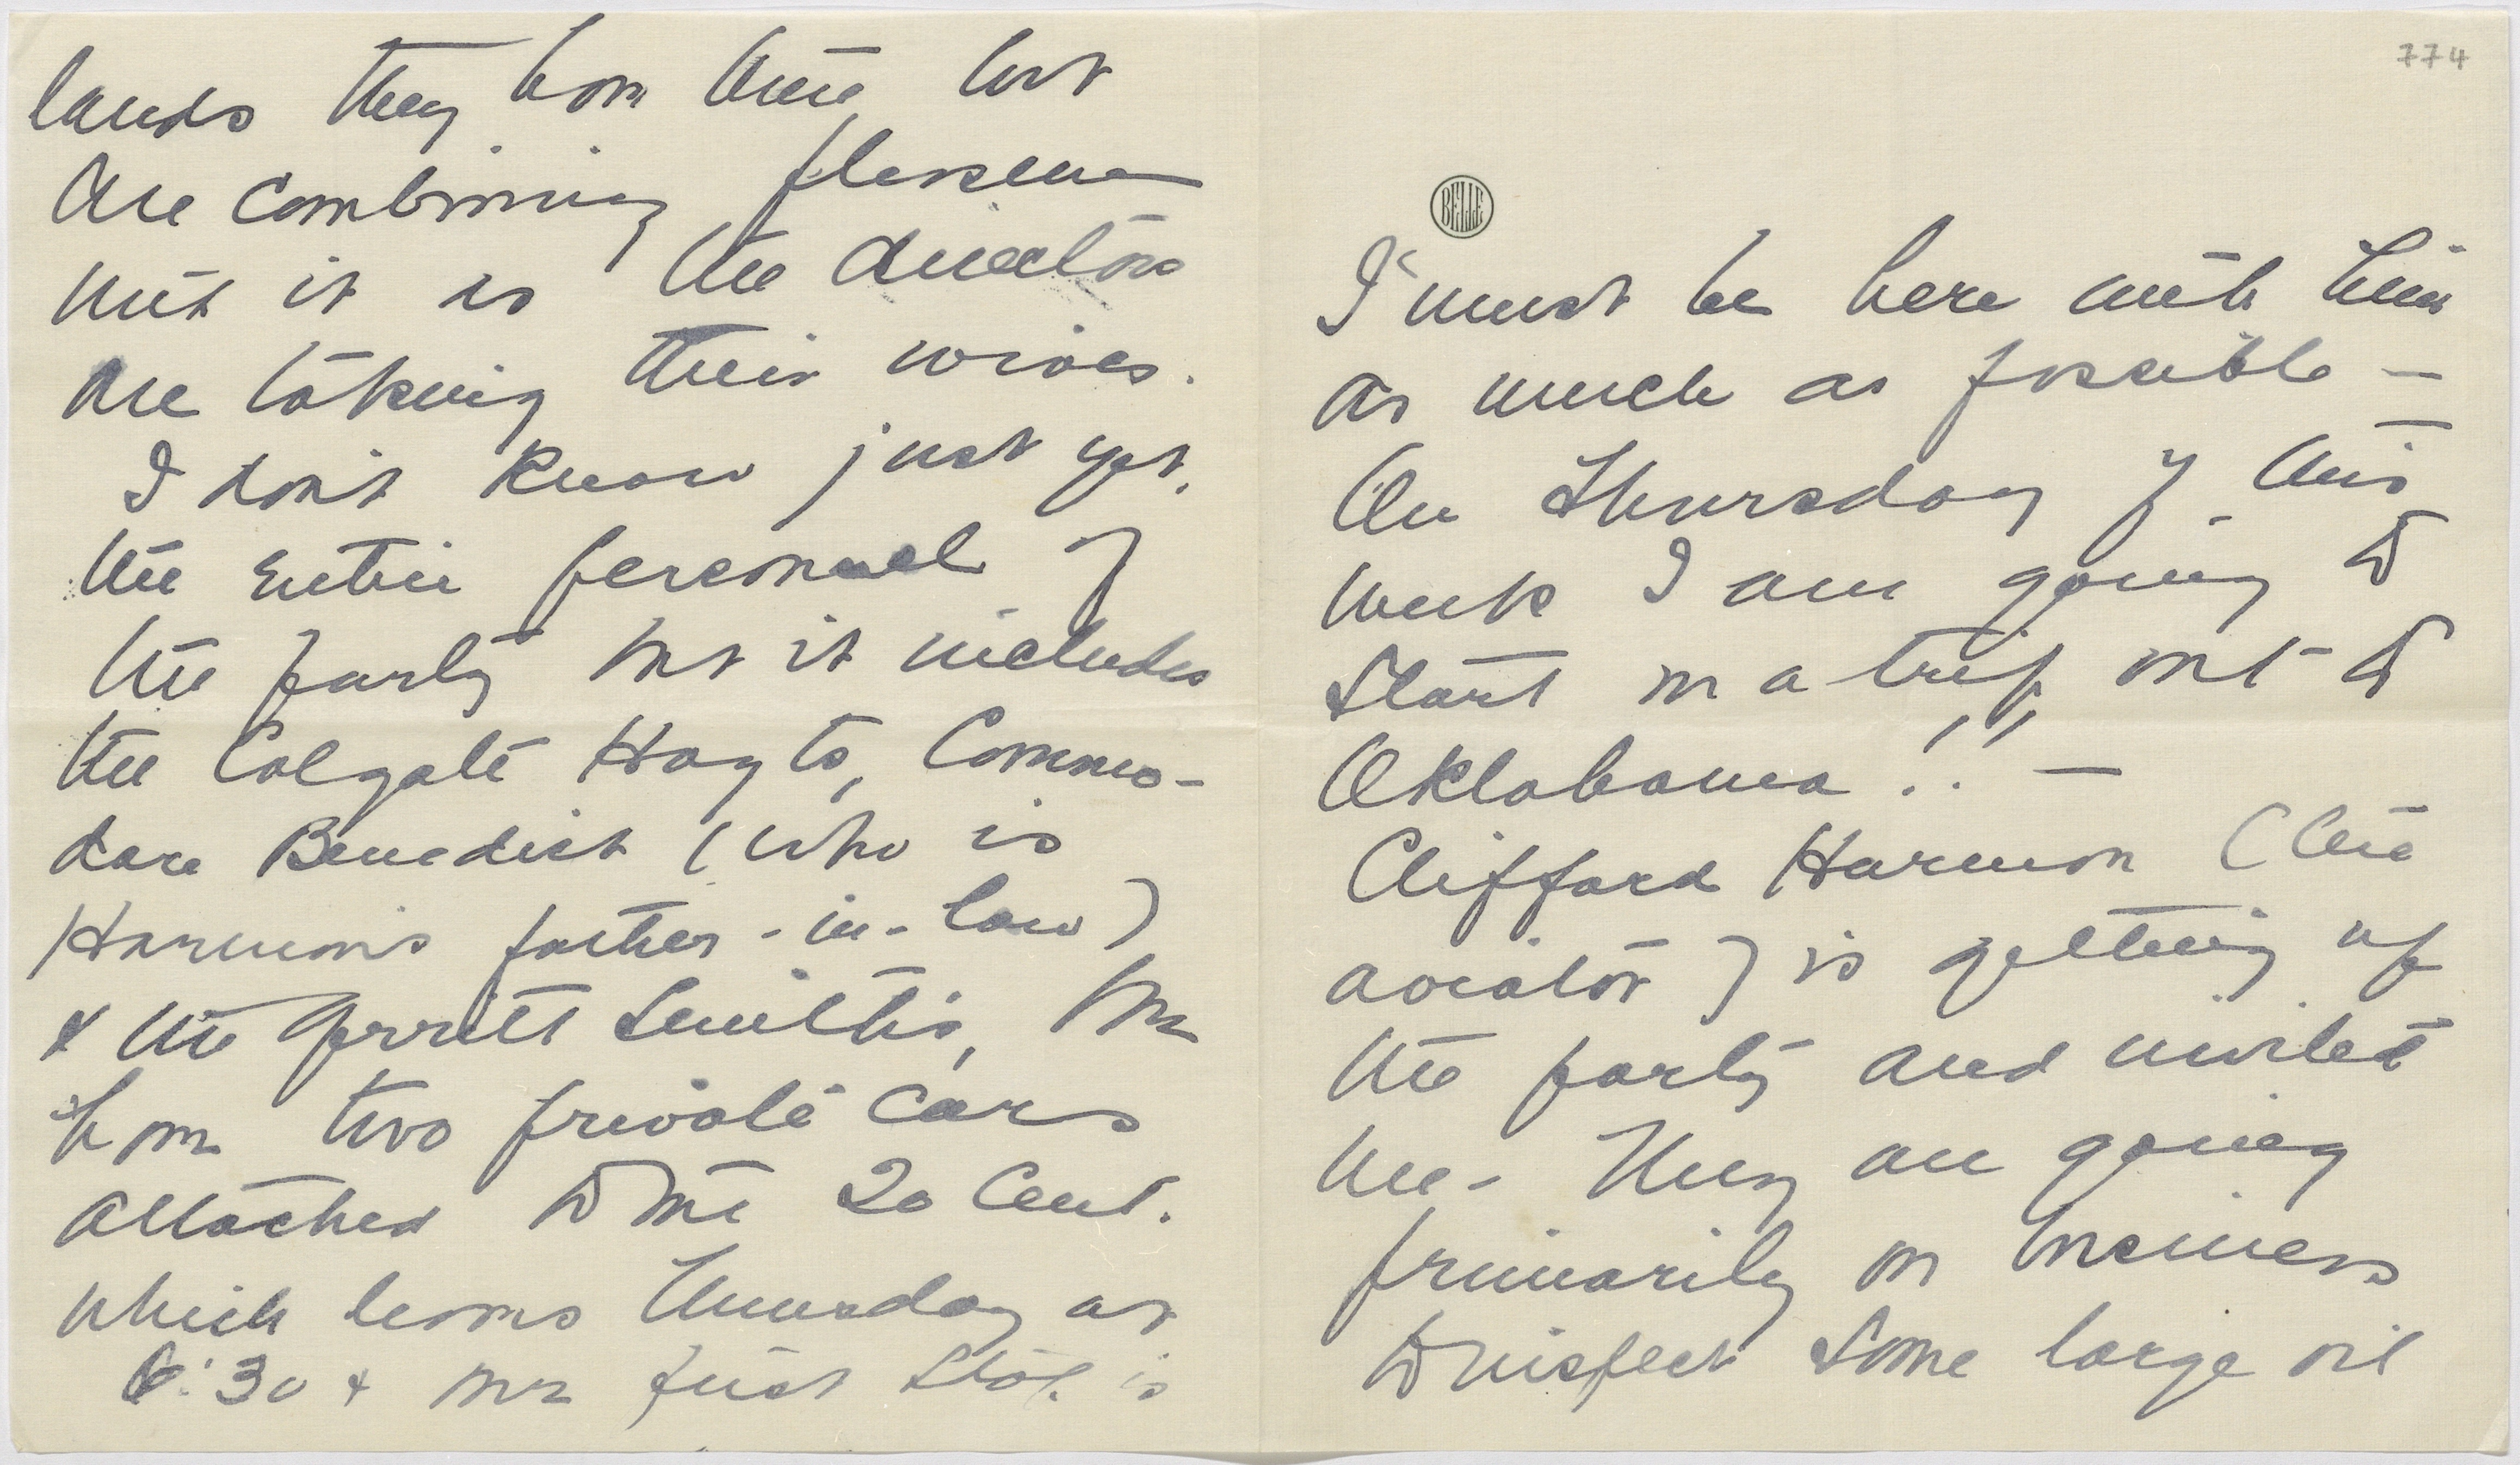I must be here with him as much as possible – On Thursday of this week I am going to start on a trip out to Oklahoma!! –
Clifford Harmon (the aviator) is getting up the party and invited me – They are going primarily on business to inspect some large oil
lands they have there but are combining pleasure with it as the directors are taking their wives.
I don’t know just yet, the entire personnel of the party but it includes the Colgate Hoyts, Commodore Benedict (who is Harmon’s father-in-law) & the Gerritt [sic] Smith’s, We have two private cars attached to the 20 Cent. which leaves Thursday at 6:30 & our first stop is